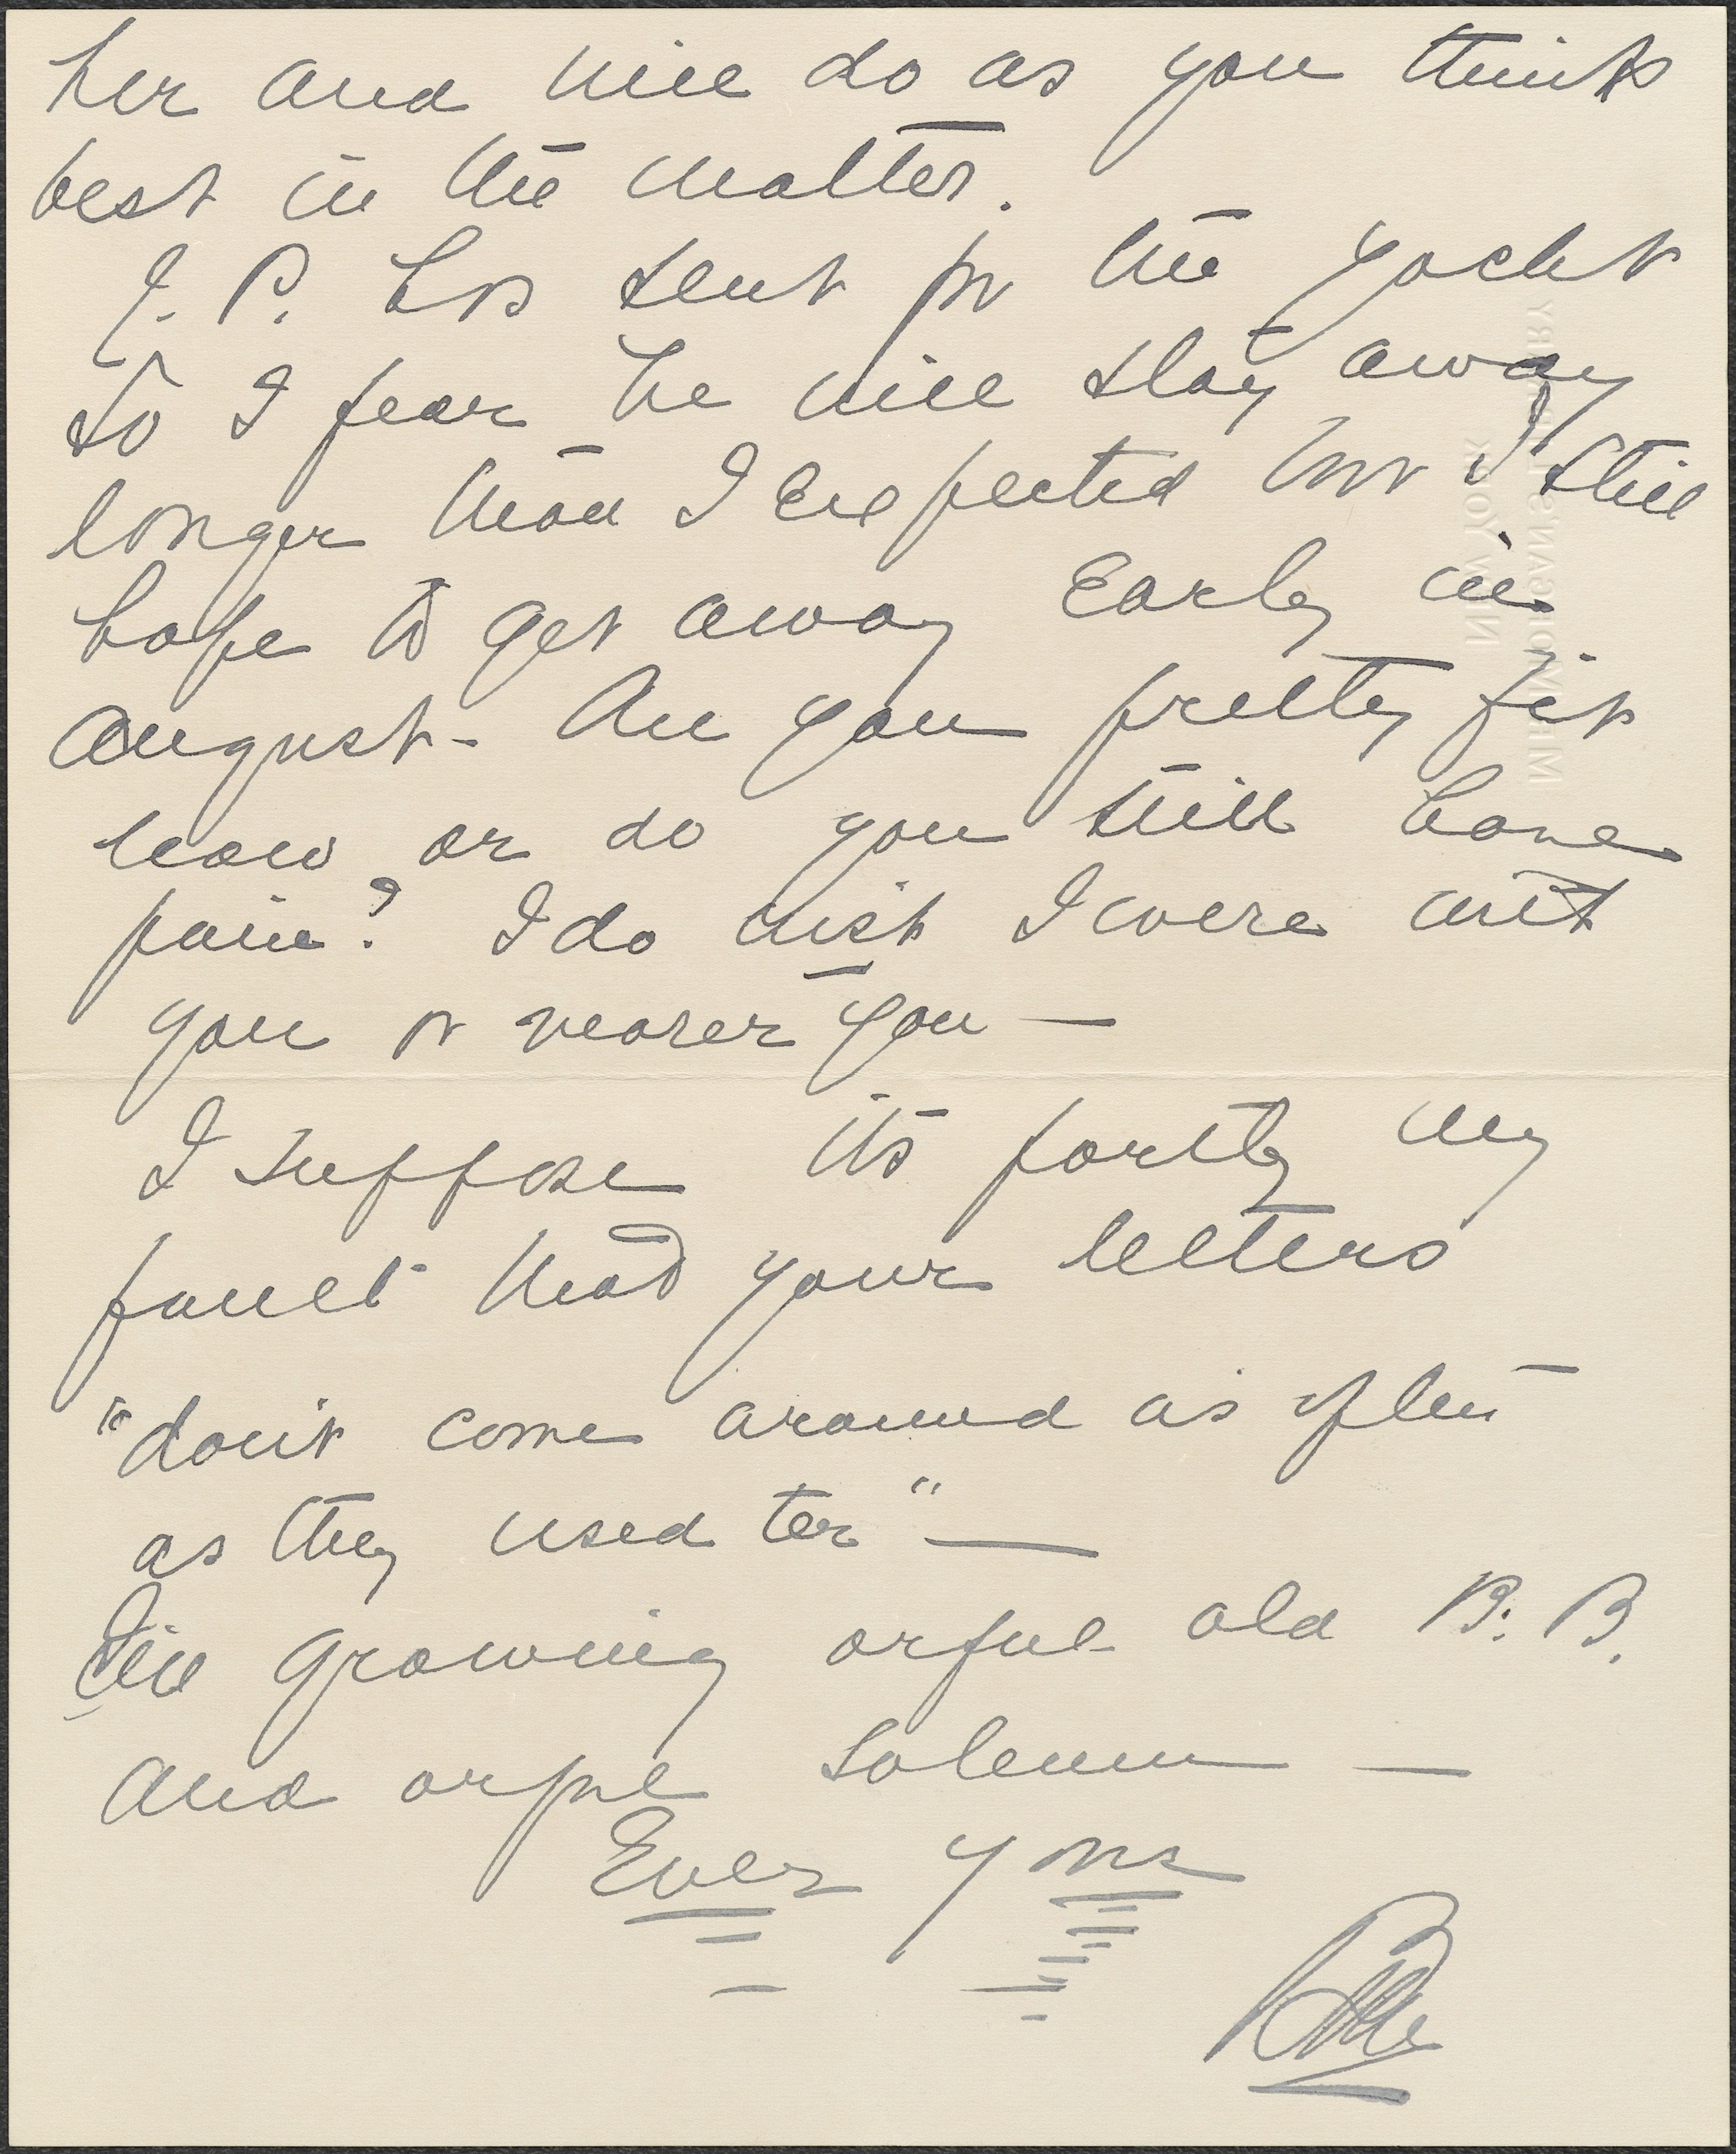her and will do as you think best in the matter.
J. P. has sent for the yacht so I fear that he will stay away longer than I expected but I still hope to get away early in August – Are you pretty fit now or do you still have pain? I do wish I were with you or nearer you –
I suppose its [sic] partly my fault that your letters “don’t come around as often as they used ter” –
I’m growing awful old B. B. and awful solemn –
[triple underlined: Ever] [octuple underlined: your] Belle